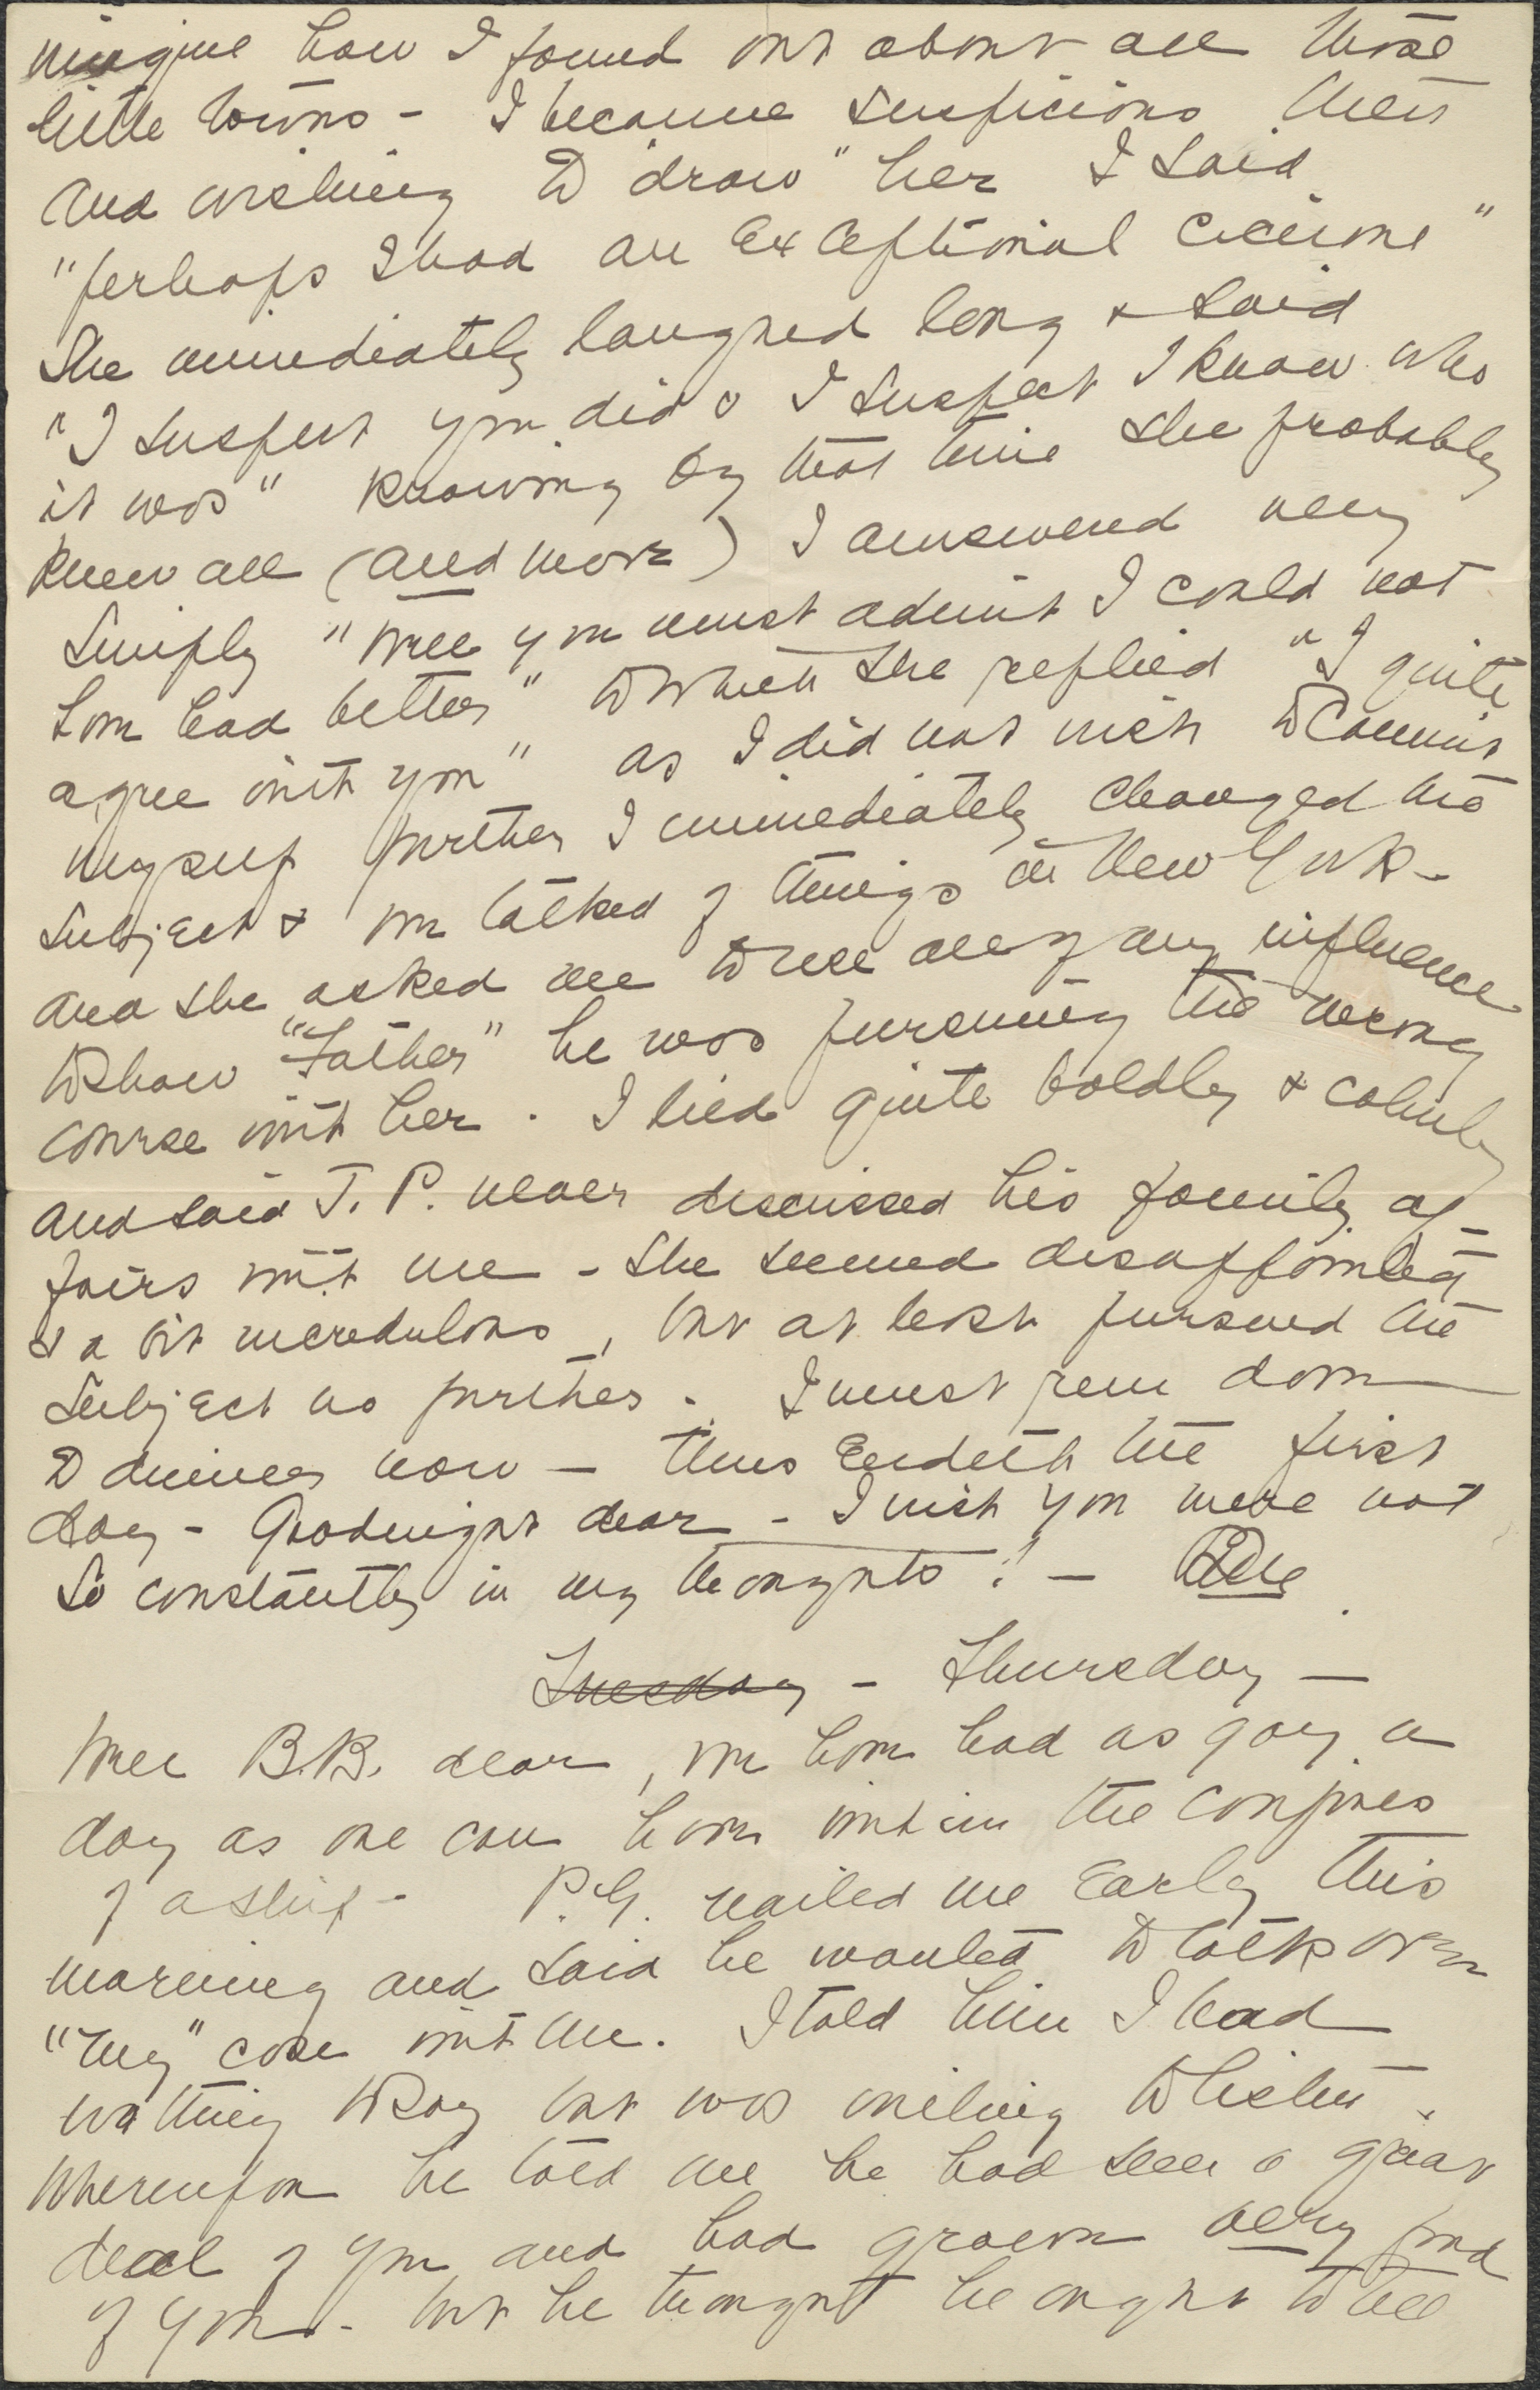imagine how I found out about all those little towns – I became suspicious then and wishing to “draw” her I said “perhaps I had an exceptional cicerone” She immediately laughed long & said “I suspect you did & I suspect I know who it was” knowing by that time she probably knew all (and more) I answered very simply “Well you must admit I could not have had better” to which she replied “I quite agree with you” as I did not wish to commit myself further I immediately changed the subject & we talked of things in New York – and she asked me to use all my influence to show “Father” he was pursuing the wrong course with her. I lied quite boldly & calmly and said J. P. never discussed his family affairs with me – She seemed disappointed & a bit incredulous, but at last pursued the subject no further. I must run down to dinner now – Thus endeth the first day – Goodnight dear – I wish you were not so constantly in my thoughts! – Belle
Tuesday – Thursday –
Well B.B. dear, we have had as gay a day as one can have within the confines of a ship – P. G. nailed me early this morning and said he wanted to talk over “my” case with me. I told him I had nothing to say but was willing to listen whereupon he told me he had seen a great deal of you and had grown very fond of you – but he thought he ought to tell